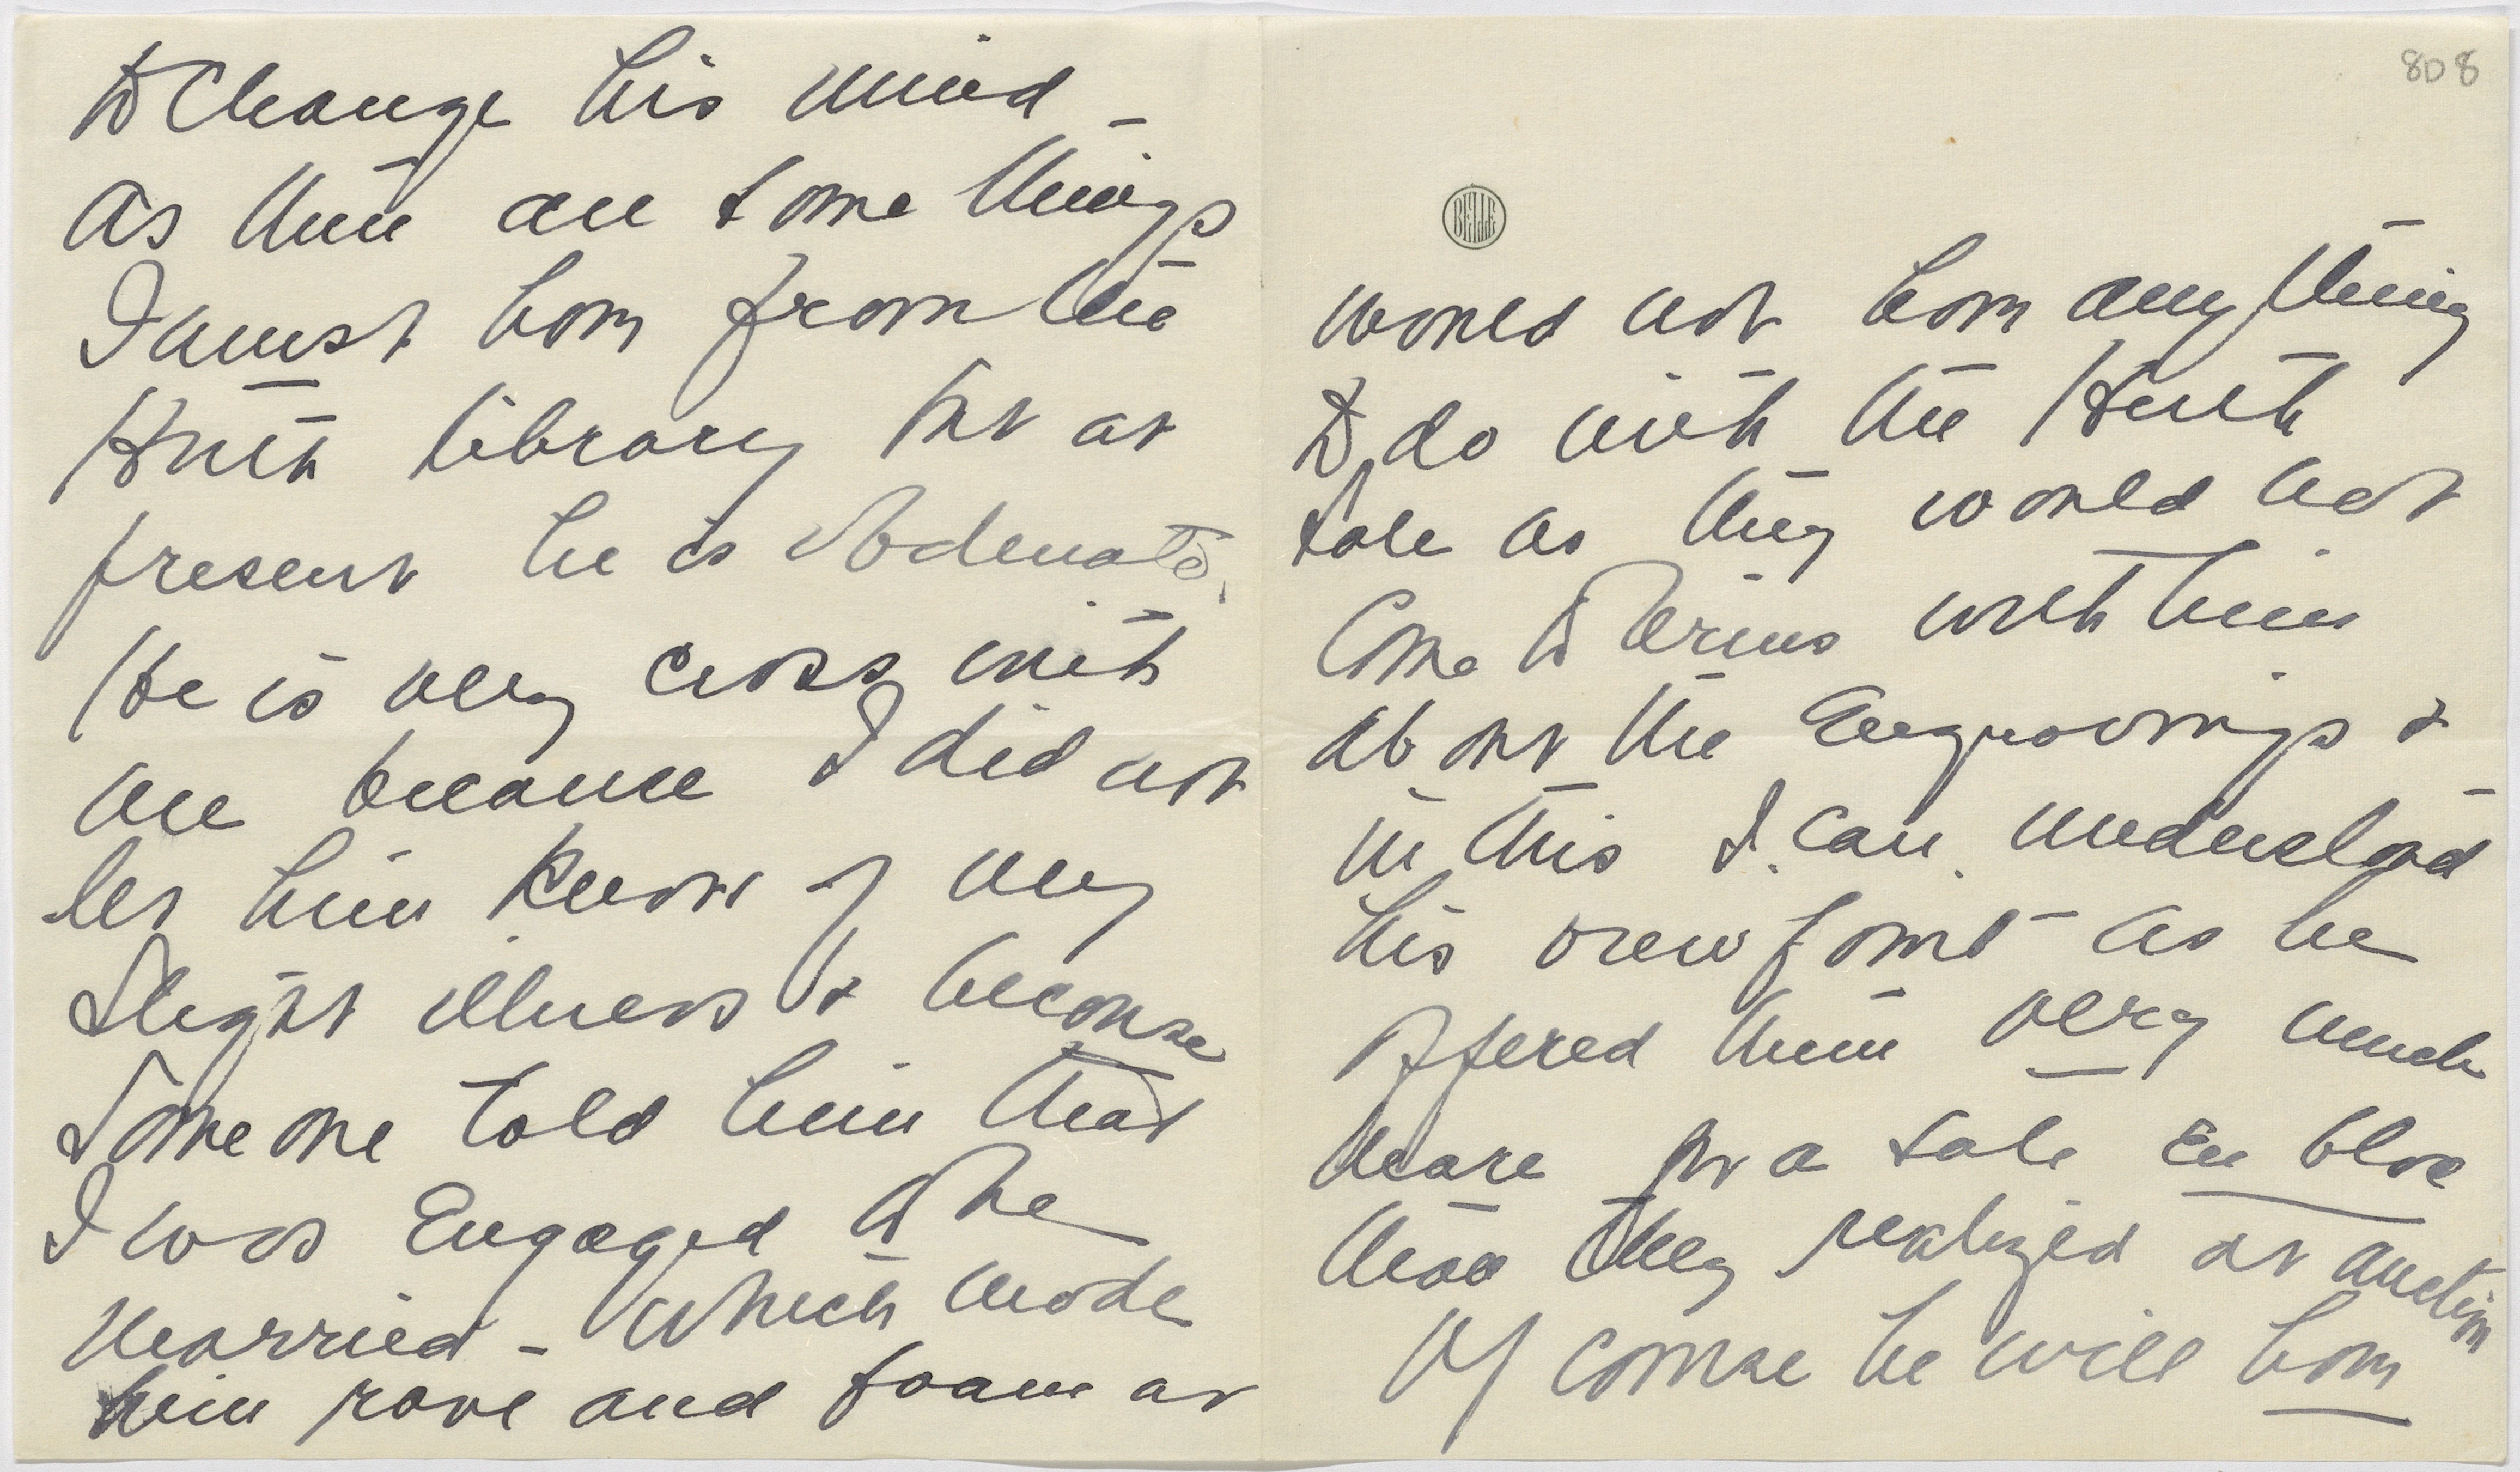would not have anything to do with the Huth Sale as they would not come to terms with him about the Engravings & in this I can understand his viewpoint as he offered them very much more for a sale en bloc than they realized at auction
Of course he will have
to change his mind as there are some things I must have from the Huth library but at present he is obdurate. He is very cross with me because I did not let him know of my slight illness & because someone told him that I was engaged to be married – which made him rave and foam at